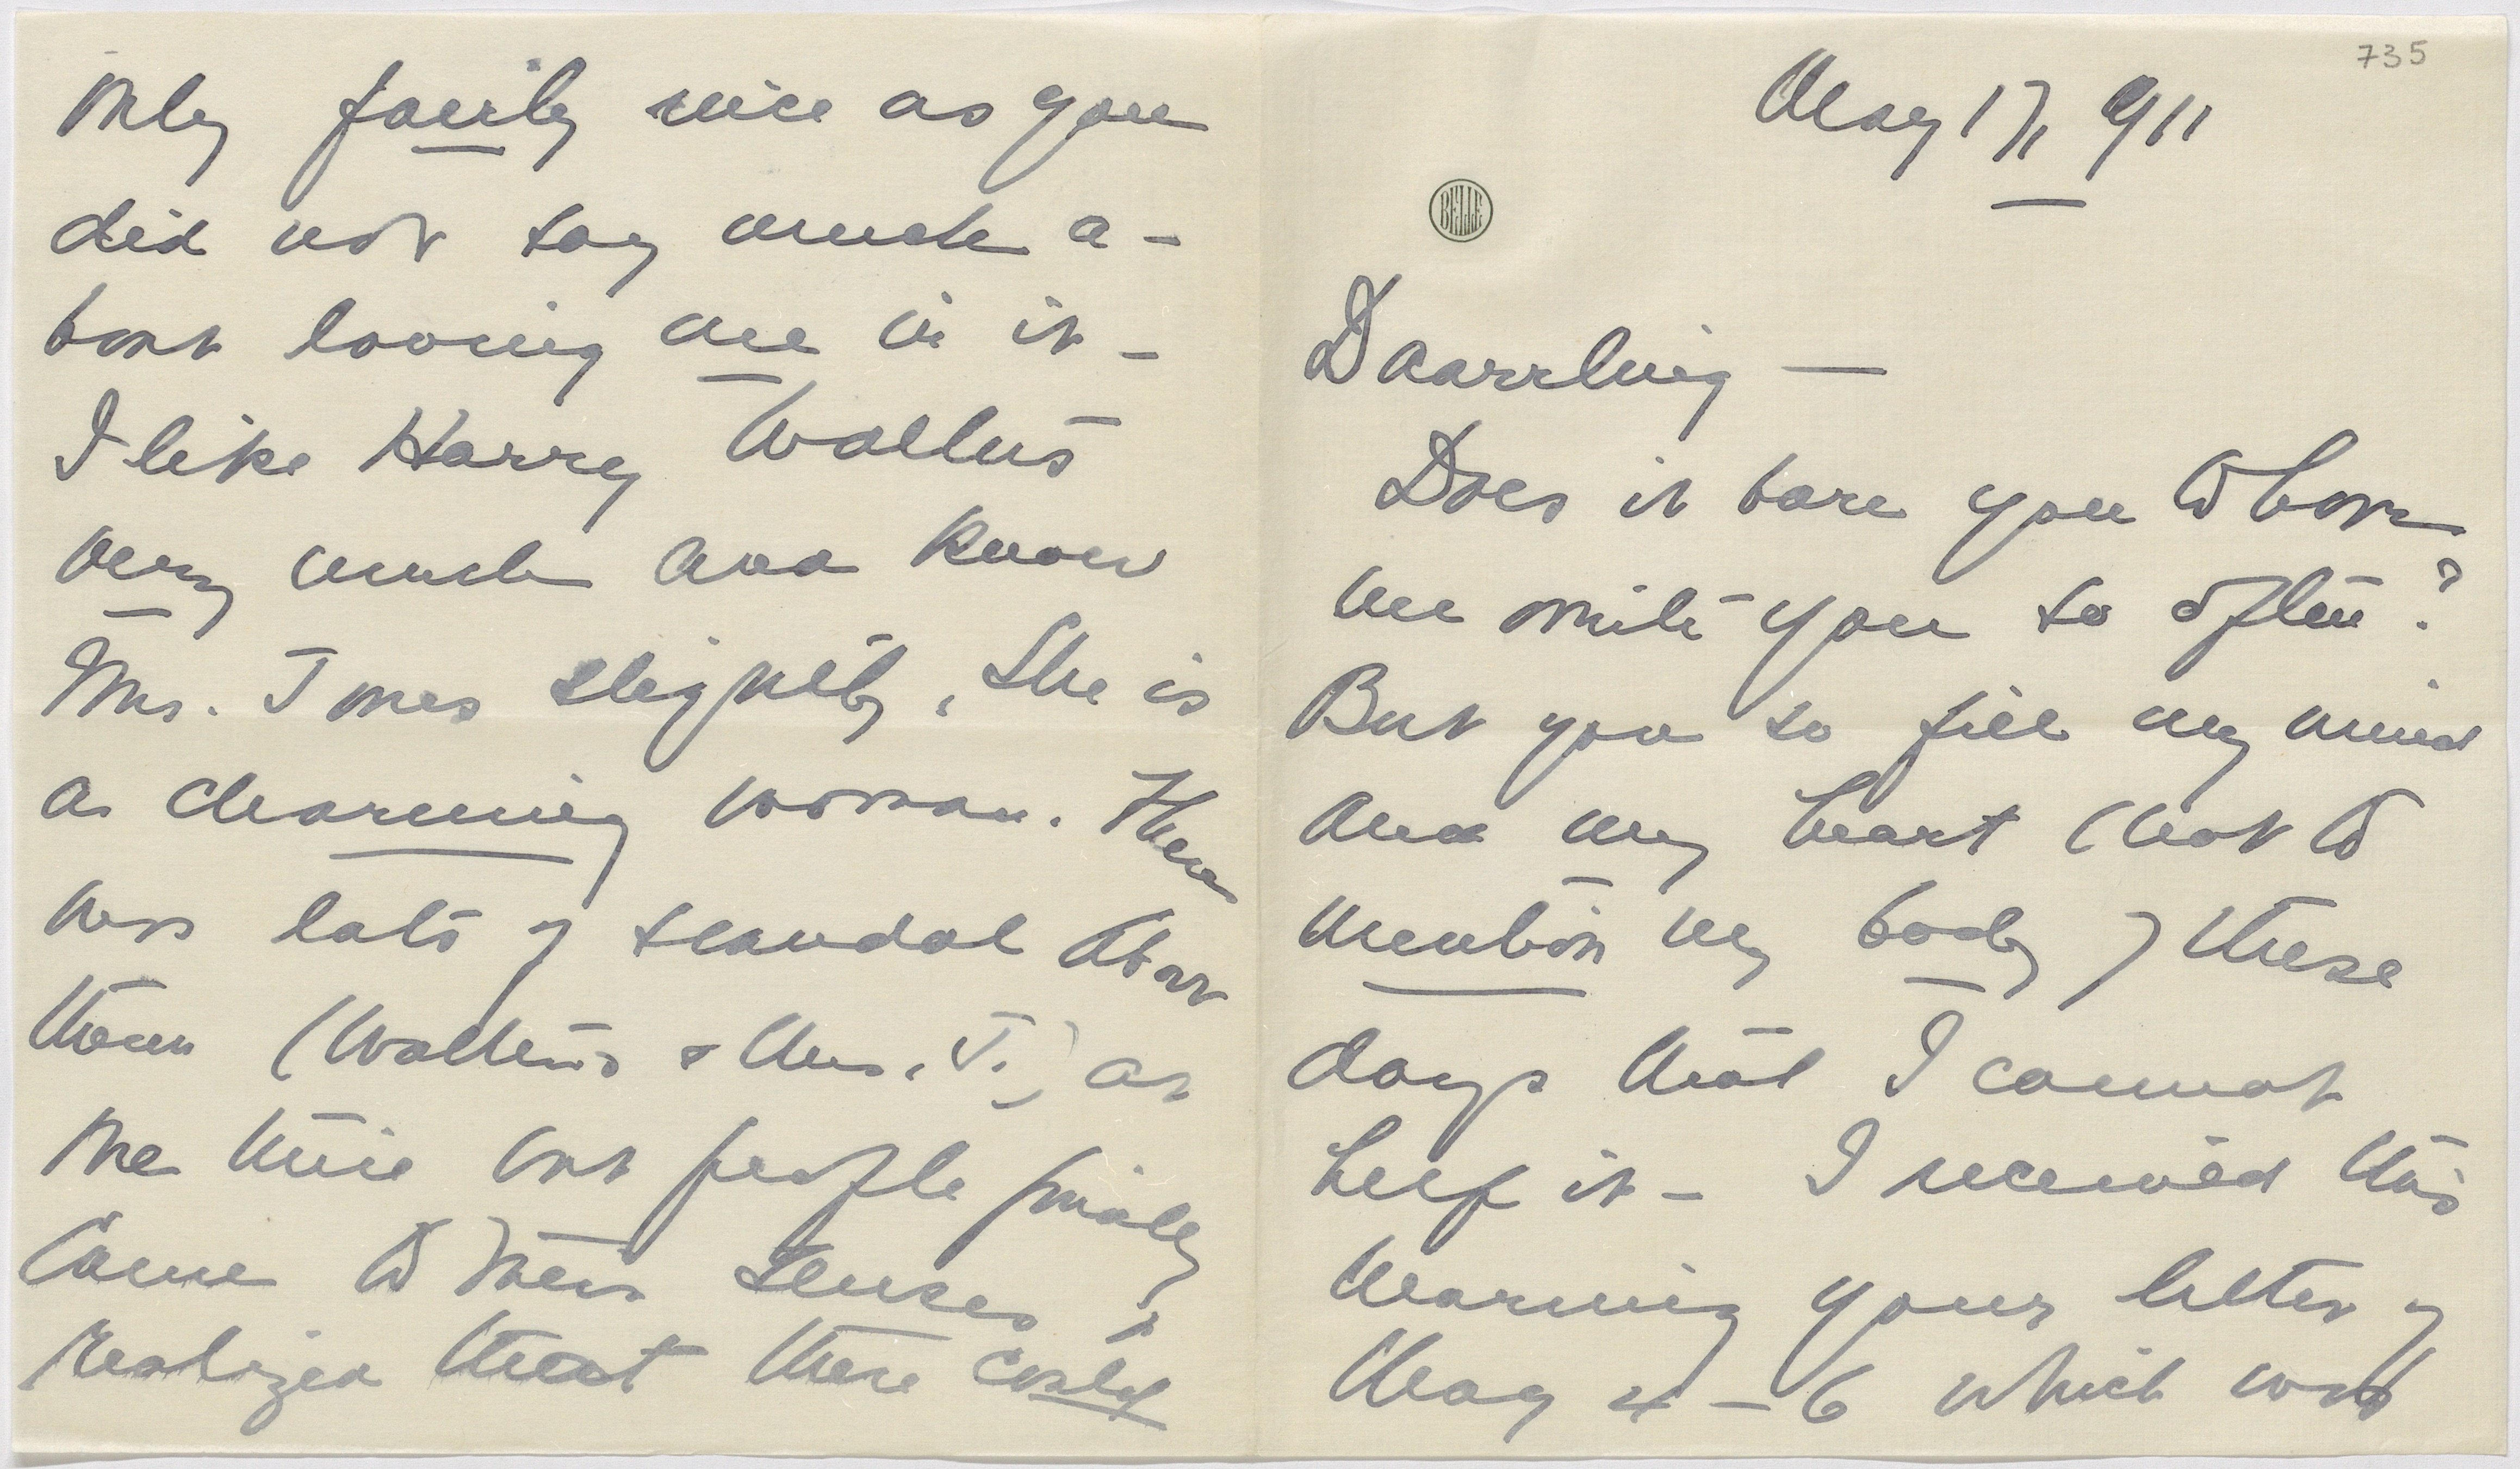May 17, 1911
Daarrling –
Does it bore you to have me write you so often? But you so fill my mind and my heart (not to mention my body) these days that I cannot help it – I received this morning your letter of May 4–6 which was
only fairly nice as you did not say much about loving me in it – I like Harry Walters very much and know Mrs. Jones slightly, She is a charming woman. There was lots of scandal about them (Walters & Mrs. J) at the time but people finally came to their senses & realized that there could